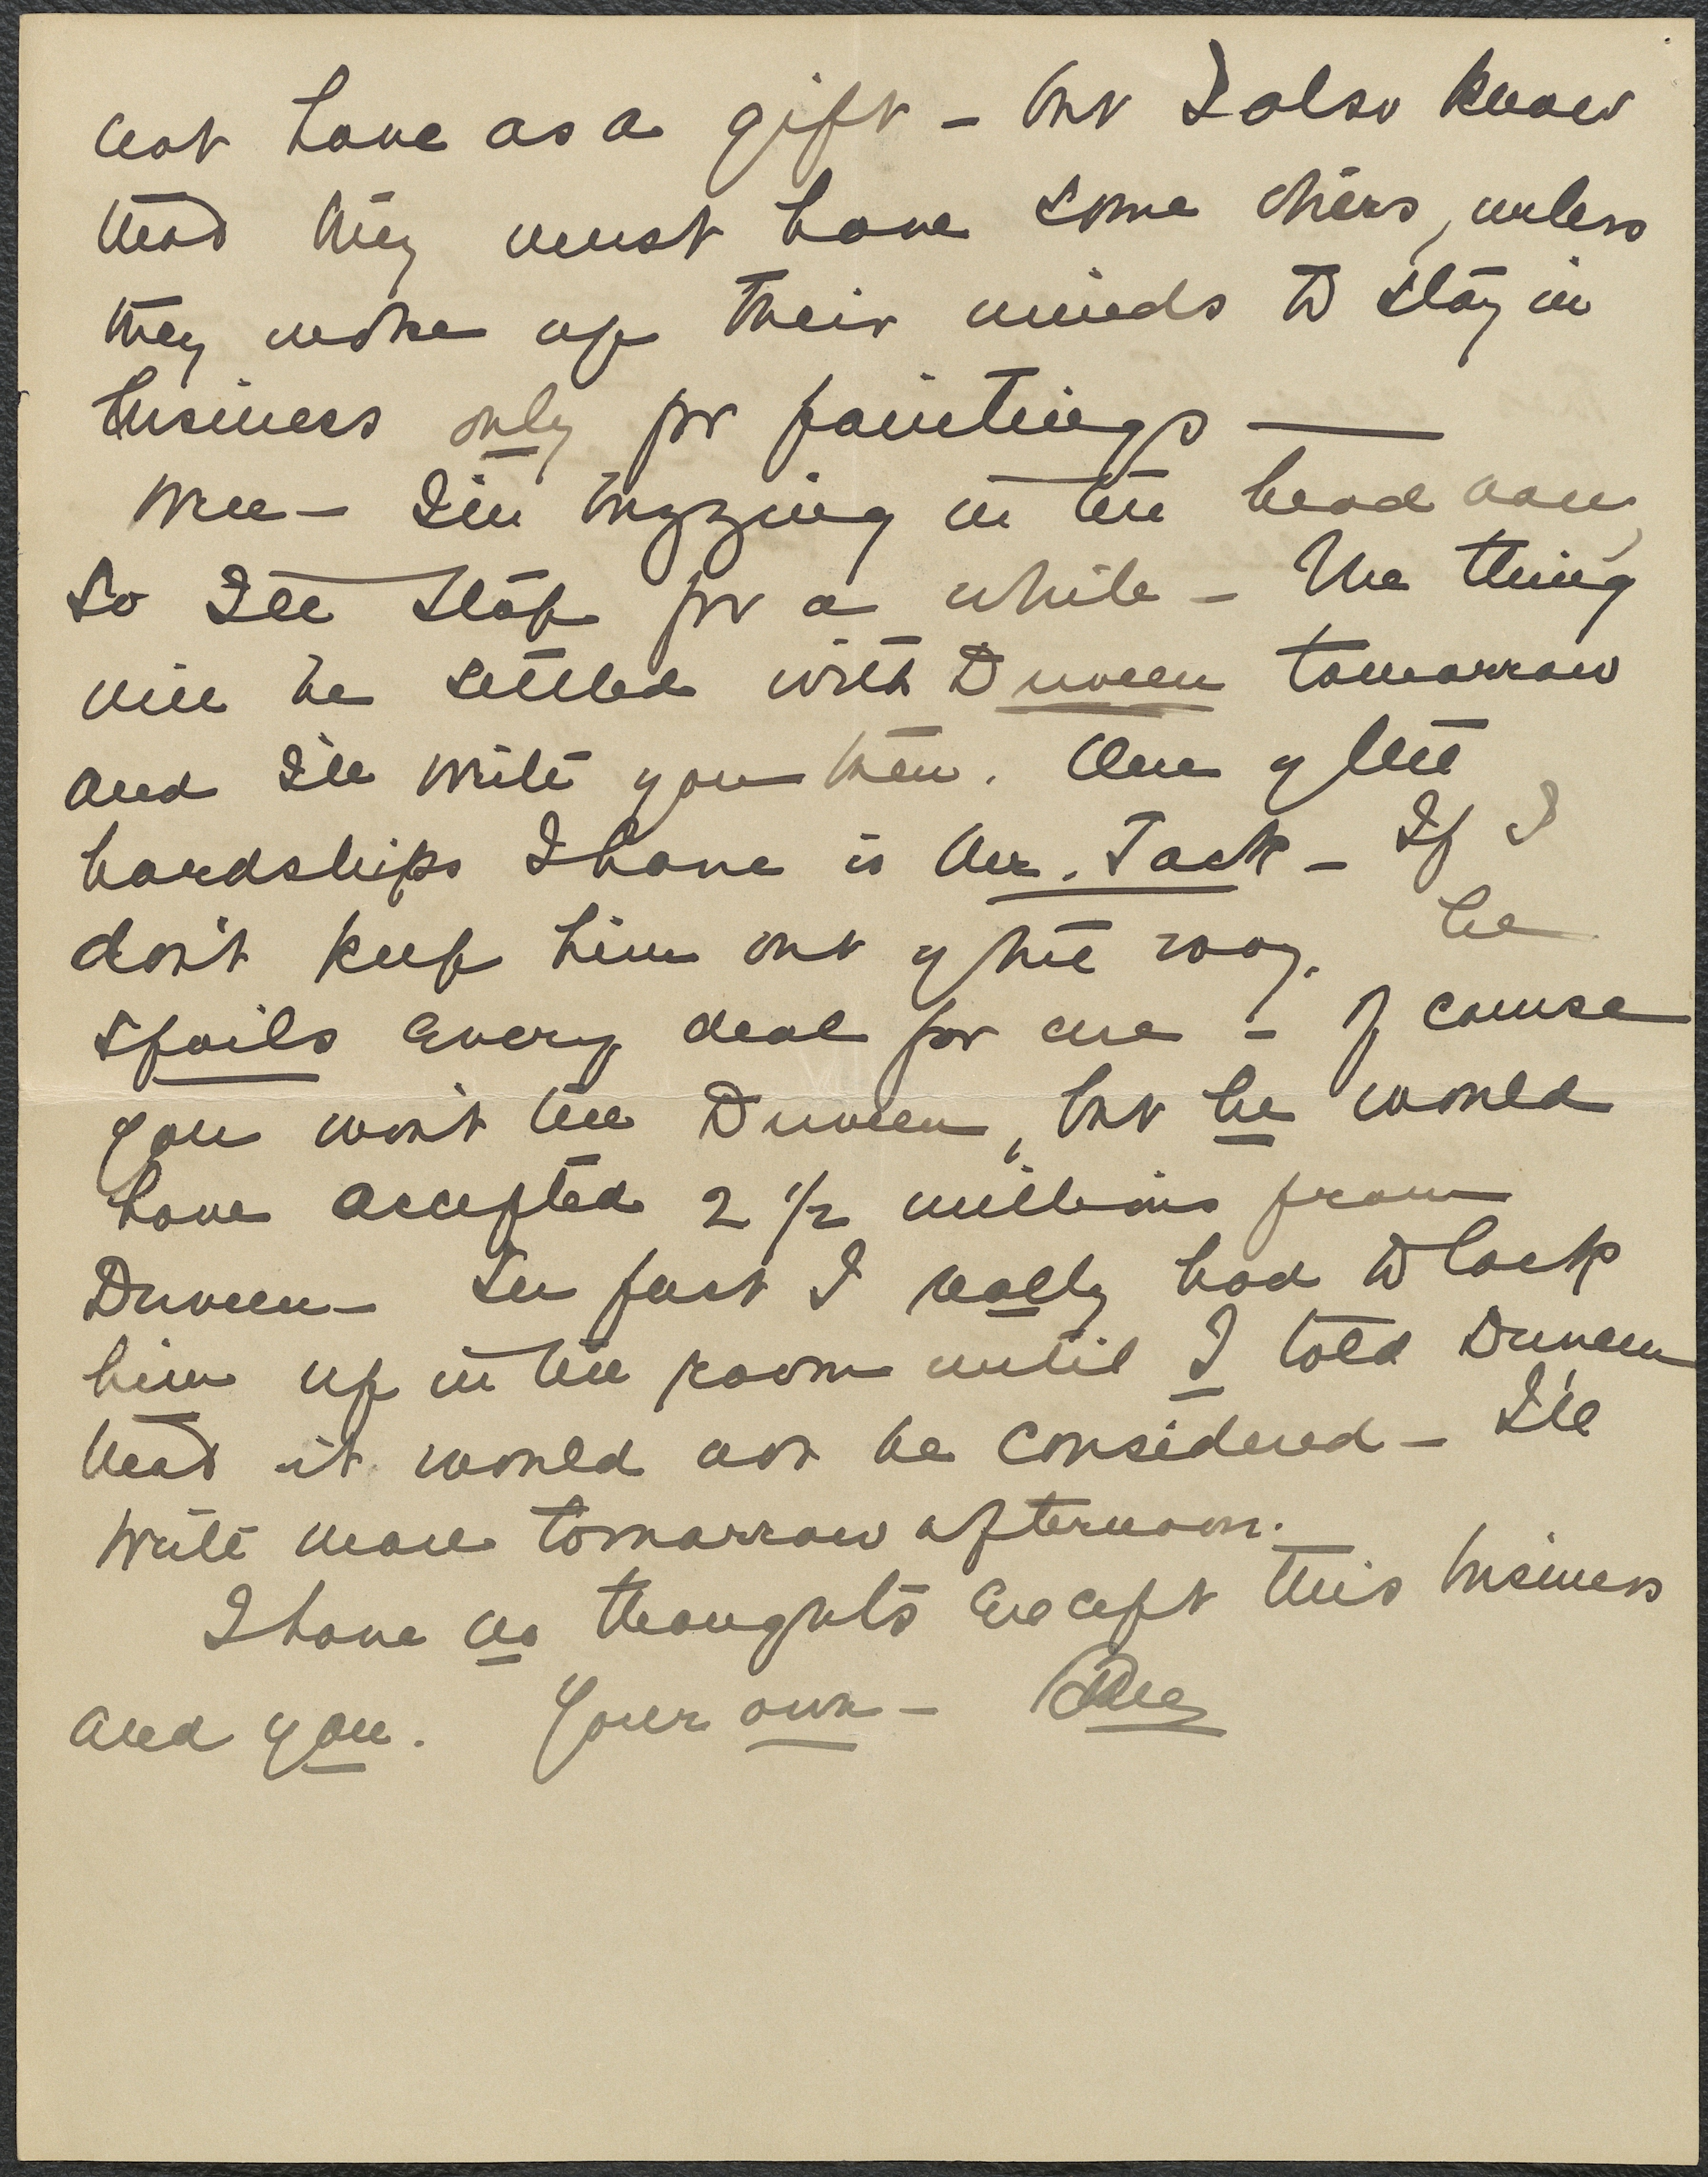not have as a gift – but I also know that they must have some others, unless they make up their minds to stay in business only for paintings –
Well – I’m buzzing in the head now, so I’ll stop for a while – the thing will be settled with Duveen tomorrow and I’ll write you then. One of the hardships I have is Mr. Jack – If I don’t keep him out of the way, he spoils every deal for me – of course you won’t tell Duveen, but he could have accepted 2 ½ millions from Duveen – In fact I really had to lock him up in the room until I told Duveen that it would not be considered – I’ll write more tomorrow afternoon.
I have no thoughts except this business and you. Your own – Belle